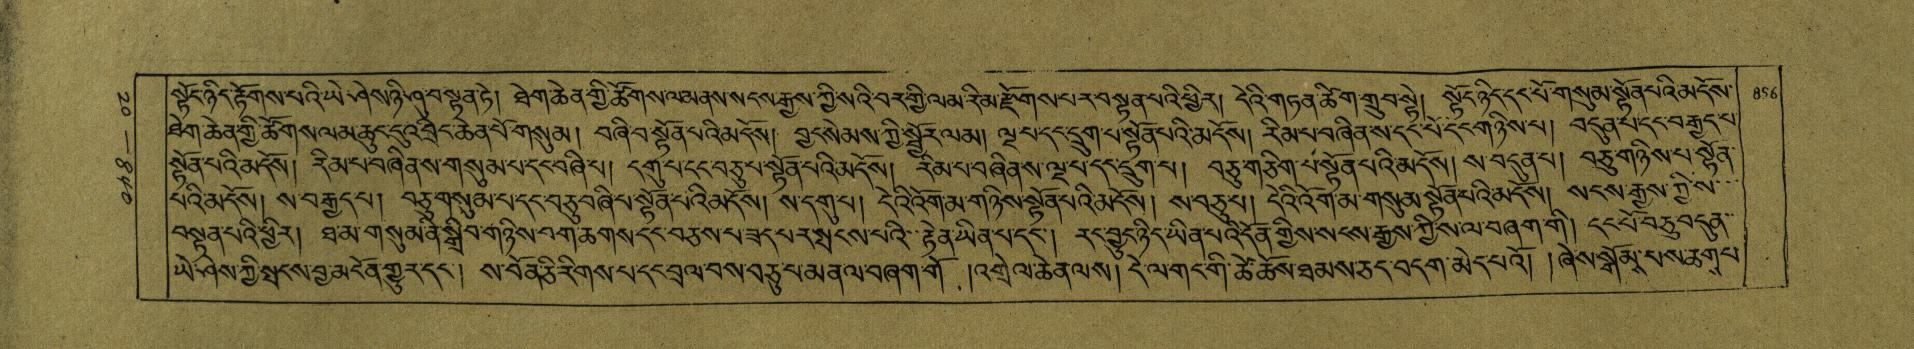སྟོང་ཉིད་རྟོགས་པའི་ཡེ་ཤེས་ཉི་ཤུ་བསྟན་ཏེ། ཐེག་ཆེན་གྱི་ཚོགས་ལམ་ནས་སངས་རྒྱས་ཀྱི་སའི་བར་གྱི་ལམ་རིམ་རྫོགས་པར་བསྟན་པའི་ཕྱིར། དེའི་གཏན་ཚིག་གྲུབ་སྟེ། སྟོང་ཉིད་དང་པོ་གསུམ་སྟོན་པའི་མདོས་
ཐེག་ཆེན་གྱི་ཚོགས་ལམ་ཆུང་དུ་འབྲིང་ཆེན་པོ་གསུམ། བཞི་བ་སྟོན་པའི་མདོས། བྱང་སེམས་ཀྱི་སྦྱོར་ལམ། ལྔ་པ་དང་དྲུག་པ་སྟོན་པའི་མདོས། རིམ་པ་བཞིན་ས་དང་པོ་དང་གཉིས་པ། བདུན་པ་དང་བརྒྱད་པ་
སྟོན་པའི་མདོས། རིམ་པ་བཞིན་ས་གསུམ་པ་དང་བཞི་པ། དགུ་པ་དང་བཅུ་པ་སྟོན་པའི་མདོས། རིམ་པ་བཞིན་ས་ལྔ་པ་དང་དྲུག་པ། བཅུ་གཅིག་པ་སྟོན་པའི་མདོས། ས་བདུན་པ། བཅུ་གཉིས་པ་སྟོན་
པའི་མདོས། ས་བརྒྱད་པ། བཅུ་གསུམ་པ་དང་བཅུ་བཞི་པ་སྟོན་པའི་མདོས། ས་དགུ་པ། དེའི་འོག་མ་གཉིས་སྟོན་པའི་མདོས། ས་བཅུ་པ། དེའི་འོག་མ་དང་གསུམ་སྟོན་པའི་མདོས། སངས་རྒྱས་ཀྱི་ས་
བསྟན་པའི་ཕྱིར། ཐ་མ་གསུམ་ནི་སྒྲིབ་གཉིས་བག་ཆགས་དང་བཅས་པ་ཟད་པར་སྤངས་པའི་རྟེན་ཡིན་པ་དང་། རང་བྱུང་ཉིད་ཡིན་པའི་དོན་གྱིས་སངས་རྒྱས་ཀྱི་ས་ལ་བཞག་གི། དང་པོ་བཅུ་བདུན་
ཡེ་ཤེས་ཀྱི་སྤངས་བྱ་མངོན་གྱུར་དང་། ས་བོན་ཅི་རིགས་པ་དང་བྲལ་བས་བཅུ་པ་མན་ལ་བཞག་གོ། །འགྲེལ་ཆེན་ལས། དེ་ལ་གང་གི་ཚེ་ཆོས་ཐམས་ཅད་བདག་མེད་པའོ། །ཞེས་སྒོམས་པས་ཆགས་པ་